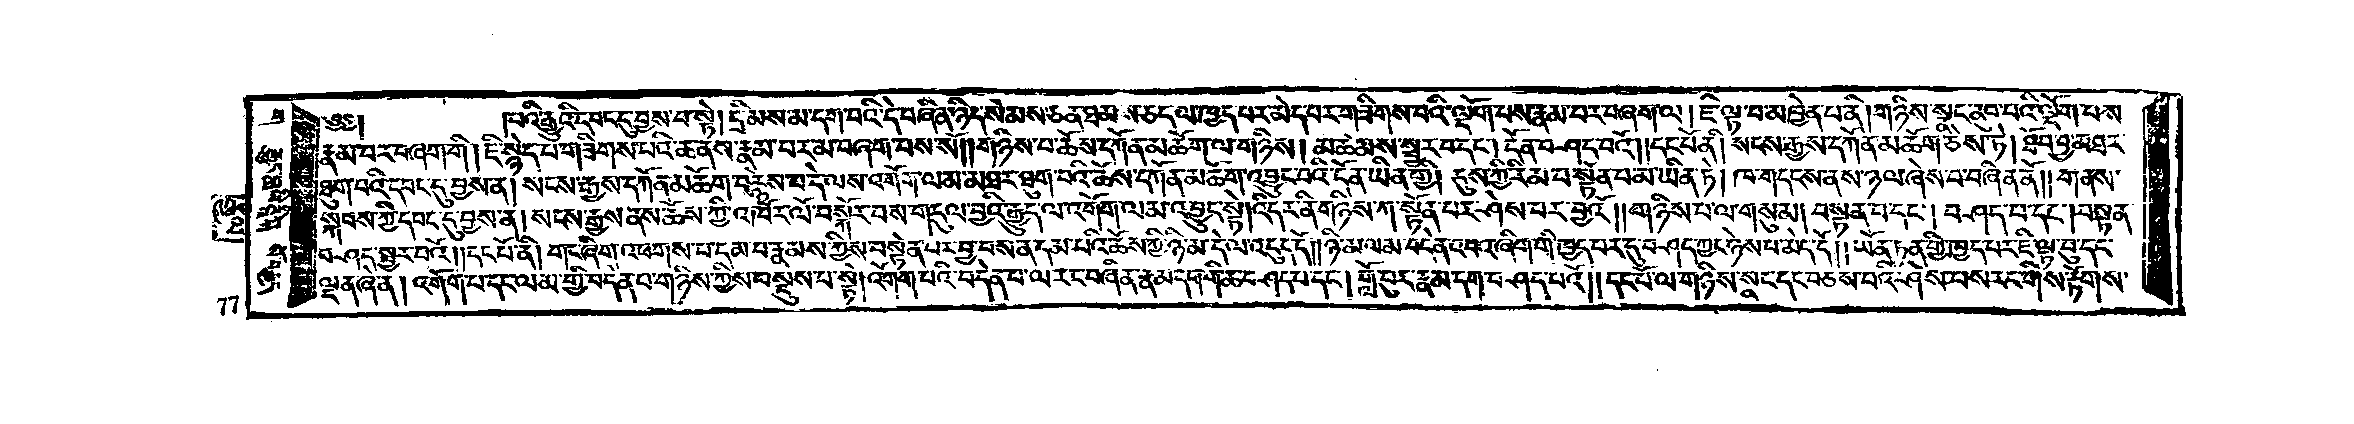༄༅། །པའི་རྒྱུའི་དབང་དུ་བྱས་པ་སྟེ། དྲི་མས་མ་དག་པའི་དེ་བཞིན་ཉིད་སེམས་ཅན་ཐམས་ཅད་ལ་ཁྱད་པར་མེད་པར་གཟིགས་པའི་ལྡོག་པས་རྣམ་པར་བཞག་ལ། ཇི་ལྟ་བས་མཁྱེན་པ་ནི། གཉིས་སྣང་ནུབ་པའི་ལྡོག་པས་
རྣམ་པར་བཞག་གི །ཇི་སྙེད་པ་གཟིགས་པའི་ཆ་ནས་རྣམ་པར་མ་བཞག་པས་སོ། །གཉིས་པ་ཆོས་དཀོན་མཆོག་ལ་གཉིས། མཚམས་སྦྱར་བ་དང་། དོན་བཤད་པའོ། །དང་པོ་ནི། སངས་རྒྱས་དཀོན་མཆོག་ཅེས་ཏེ། ཐོབ་བྱ་མཐར་
ཐུག་པའི་དབང་དུ་བྱས་ན། སངས་རྒྱས་དཀོན་མཆོག་བརྙེས་པ་དེ་ལས་འགོག་ལམ་མཐར་ཐུག་པའི་ཆོས་དཀོན་མཆོག་འབྱུང་བའི་དོན་ཡིན་གྱི། དུས་ཀྱི་རིམ་པ་སྟོན་པ་མ་ཡིན་ཏེ། ཁ་གདངས་ནས་ཉལ་ཞེས་པ་བཞིན་ནོ། །གནས་
སྐབས་ཀྱི་དབང་དུ་བྱས་ན། སངས་རྒྱས་ནས་ཆོས་ཀྱི་འཁོར་ལོ་བསྐོར་བས་གདུལ་བྱའི་རྒྱུད་ལ་འགོག་ལམ་འབྱུང་སྟེ། འདིར་ནི་གཉིས་ཀ་སྟོན་པར་ཤེས་པར་བྱའོ། །གཉིས་པ་ལ་གསུམ། བསྟན་པ་དང་། བཤད་པ་དང་། བསྟན་
བཤད་སྦྱར་བའོ། །དང་པོ་ནི། གང་ཞིག་འཕགས་པ་དམ་པ་རྣམས་ཀྱིས་བསྟེན་པར་བྱ་བས་ན་དམ་པའི་ཆོས་ཀྱི་ཉི་མ་དེ་ལ་འདུད་དོ། །ཉི་མ་ལམ་བདེན་འབའ་ཞིག་གི་ཁྱད་པར་དུ་བཤད་ཀྱང་ཉེས་པ་མེད་དོ། །ཡོན་ཏན་གྱི་ཁྱད་པར་ཇི་ལྟ་བུ་དང་
ལྡན་ཞེ་ན། འགོག་པ་དང་ལམ་གྱི་བདེན་པ་གཉིས་ཀྱིས་བསྡུས་པ་སྟེ། འགོག་པའི་བདེན་པ་ལ་རང་བཞིན་རྣམ་དག་གི་ཆ་བཤད་པ་དང་། གློ་བུར་རྣམ་དག་བཤད་པའོ། །དང་པོ་ལ་གཉིས་སྣང་དང་བཅས་པའི་ཤེས་པས་རང་གིས་རྟོགས་